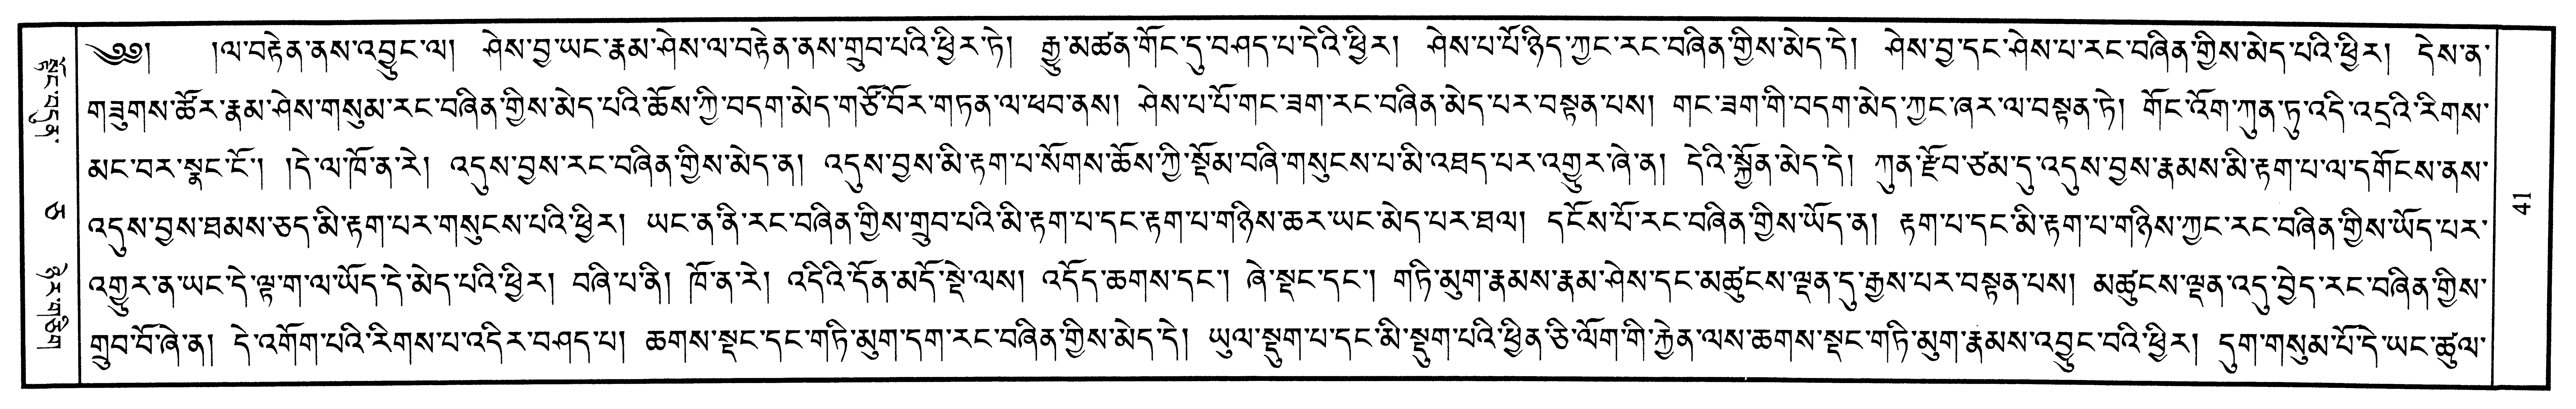༄༅། །ལ་བརྟེན་ནས་འབྱུང་ལ། ཤེས་བྱ་ཡང་རྣམ་ཤེས་ལ་བརྟེན་ནས་གྲུབ་པའི་ཕྱིར་ཏེ། རྒྱུ་མཚན་གོང་དུ་བཤད་པ་དེའི་ཕྱིར། ཤེས་པ་པོ་ཉིད་ཀྱང་རང་བཞིན་གྱིས་མེད་དེ། ཤེས་བྱ་དང་ཤེས་པ་རང་བཞིན་གྱིས་མེད་པའི་ཕྱིར། དེས་ན་
གཟུགས་ཚོར་རྣམ་ཤེས་གསུམ་རང་བཞིན་གྱིས་མེད་པའི་ཆོས་ཀྱི་བདག་མེད་གཙོ་བོར་གཏན་ལ་ཕབ་ནས། ཤེས་པ་པོ་གང་ཟག་རང་བཞིན་མེད་པར་བསྟན་པས། གང་ཟག་གི་བདག་མེད་ཀྱང་ཞར་ལ་བསྟན་ཏེ། གོང་འོག་ཀུན་ཏུ་འདི་འདྲའི་རིགས་
མང་བར་སྣང་ངོ། །དེ་ལ་ཁོ་ན་རེ། འདུས་བྱས་རང་བཞིན་གྱིས་མེད་ན། འདུས་བྱས་མི་རྟག་པ་སོགས་ཆོས་ཀྱི་སྡོམ་བཞི་གསུངས་པ་མི་འཐད་པར་འགྱུར་ཞེ་ན། དེའི་སྐྱོན་མེད་དེ། ཀུན་རྫོབ་ཙམ་དུ་འདུས་བྱས་རྣམས་མི་རྟག་པ་ལ་དགོངས་ནས་
འདུས་བྱས་ཐམས་ཅད་མི་རྟག་པར་གསུངས་པའི་ཕྱིར། ཡང་ན་ནི་རང་བཞིན་གྱིས་གྲུབ་པའི་མི་རྟག་པ་དང་རྟག་པ་གཉིས་ཆར་ཡང་མེད་པར་ཐལ། དངོས་པོ་རང་བཞིན་གྱིས་ཡོད་ན། རྟག་པ་དང་མི་རྟག་པ་གཉིས་ཀྱང་རང་བཞིན་གྱིས་ཡོད་པར་
འགྱུར་ན་ཡང་དེ་ལྟ་ག་ལ་ཡོད་དེ་མེད་པའི་ཕྱིར། བཞི་པ་ནི། ཁོ་ན་རེ། འདིའི་དོན་མདོ་སྡེ་ལས། འདོད་ཆགས་དང་། ཞེ་སྡང་དང་། གཏི་མུག་རྣམས་རྣམ་ཤེས་དང་མཚུངས་ལྡན་དུ་རྒྱས་པར་བསྟན་པས། མཚུངས་ལྡན་འདུ་བྱེད་རང་བཞིན་གྱིས་
གྲུབ་བོ་ཞེ་ན། དེ་འགོག་པའི་རིགས་པ་འདིར་བཤད་པ། ཆགས་སྡང་དང་གཏི་མུག་དག་རང་བཞིན་གྱིས་མེད་དེ། ཡུལ་སྡུག་པ་དང་མི་སྡུག་པའི་ཕྱིན་ཅི་ལོག་གི་རྐྱེན་ལས་ཆགས་སྡང་གཏི་མུག་རྣམས་འབྱུང་བའི་ཕྱིར། དུག་གསུམ་པོ་དེ་ཡང་ཚུལ་